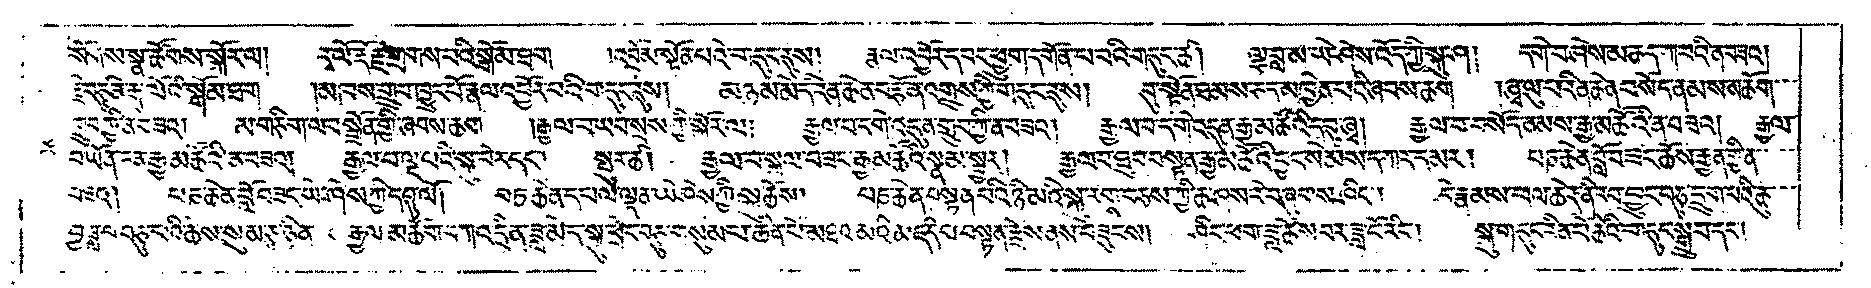སོགས་སྣ་ཚོགས་སྐོར་ལ། རྭ་ལོ་རྡོ་རྗེ་གྲགས་པའི་སྒོམ་ཐག །འབྲོམ་སྟོན་པའི་གདུང་རུས། རྣལ་འབྱོར་དབང་ཕྱུག་དགོན་པ་བའི་གདུང་ཚ། ལྷ་བླ་མ་ཡེ་ཤེས་འོད་ཀྱི་སྐུ་ཤ། དགེ་བཤེས་མ་ཆད་ཀ་བའི་ན་བཟའ།
རྗེ་བཙུན་རྒྭ་ལོའི་སྒོམ་ཐག །མཁས་གྲུབ་ཁྱུང་པོ་རྣལ་འབྱོར་བའི་གདུང་རུས། མཉམ་མེད་རིན་ཆེན་བརྩོན་འགྲུས་ཀྱི་གདུང་རུས། བུ་སྟོན་ཐམས་ཅད་མཁྱེན་པའི་ཞབས་ཆག །ཞྭ་ལུ་པ་རིན་ཆེན་བསོད་ནམས་མཆོག་
གྲུབ་ཀྱི་ན་བཟའ། མ་གཅིག་ལབ་སྒྲོན་གྱི་ཞབས་ཆག །རྒྱལ་བ་ཡབ་སྲས་ཀྱི་སྐོར་ལ། རྒྱལ་བ་དགེ་འདུན་གྲུབ་ཀྱི་ན་བཟའ། རྒྱལ་བ་དགེ་འདུན་རྒྱ་མཚོའི་དབུ་ཞྭ། རྒྱལ་བ་བསོད་ནམས་རྒྱ་མཚོའི་ན་བཟའ། རྒྱལ་
བ་ཡོན་ཏན་རྒྱ་མཚོའི་ན་བཟའ། རྒྱལ་བ་ལྔ་པའི་སྐུ་བེར་དང་། སྤུར་ཚ། རྒྱལ་བ་སྐལ་བཟང་རྒྱ་མཚོའི་སྣམ་སྦྱར། རྒྱལ་བ་ཐུབ་བསྟན་རྒྱ་མཚོའི་བྱང་སེམས་དཀར་དམར། པཎ་ཆེན་བློ་བཟང་ཆོས་རྒྱན་གྱི་ན་
བཟའ། པཎ་ཆེན་བློ་བཟང་ཡེ་ཤེས་ཀྱི་དབུ་ལོ། པཎ་ཆེན་དཔལ་ལྡན་ཡེ་ཤེས་ཀྱི་སྐུ་ཆོས། པཎ་ཆེན་བསྟན་པའི་ཉི་མའི་སྐུ་རགས་བཅས་ཀྱི་ཆ་ཤས་རེ་བཞུགས་ཤིང་། དེ་རྣམས་ཕལ་ཆེར་ནི་རབ་བྱུང་བཅུ་དྲུག་པའི་ཆུ་
བྱ་ཟླ་བ་བཅུ་པའི་ཚེས་སུམ་ཅུ་ཉིན་༈ རྒྱལ་མཆོག་བཀའ་དྲིན་ཟླ་མེད་སྐུ་ཕྲེང་བཅུ་གསུམ་པ་ཆེན་པོ་མཐའ་མའི་མཛད་པ་བསྟན་རྗེས་ནས་བཟུངས། ཤིང་ཕག་ཟླ་ཚེས་པར་ཟླ་ངོ་རིང་། སྐུ་གདུང་རིན་པོ་ཆེའི་གདུང་སྒྲུབ་དང་།